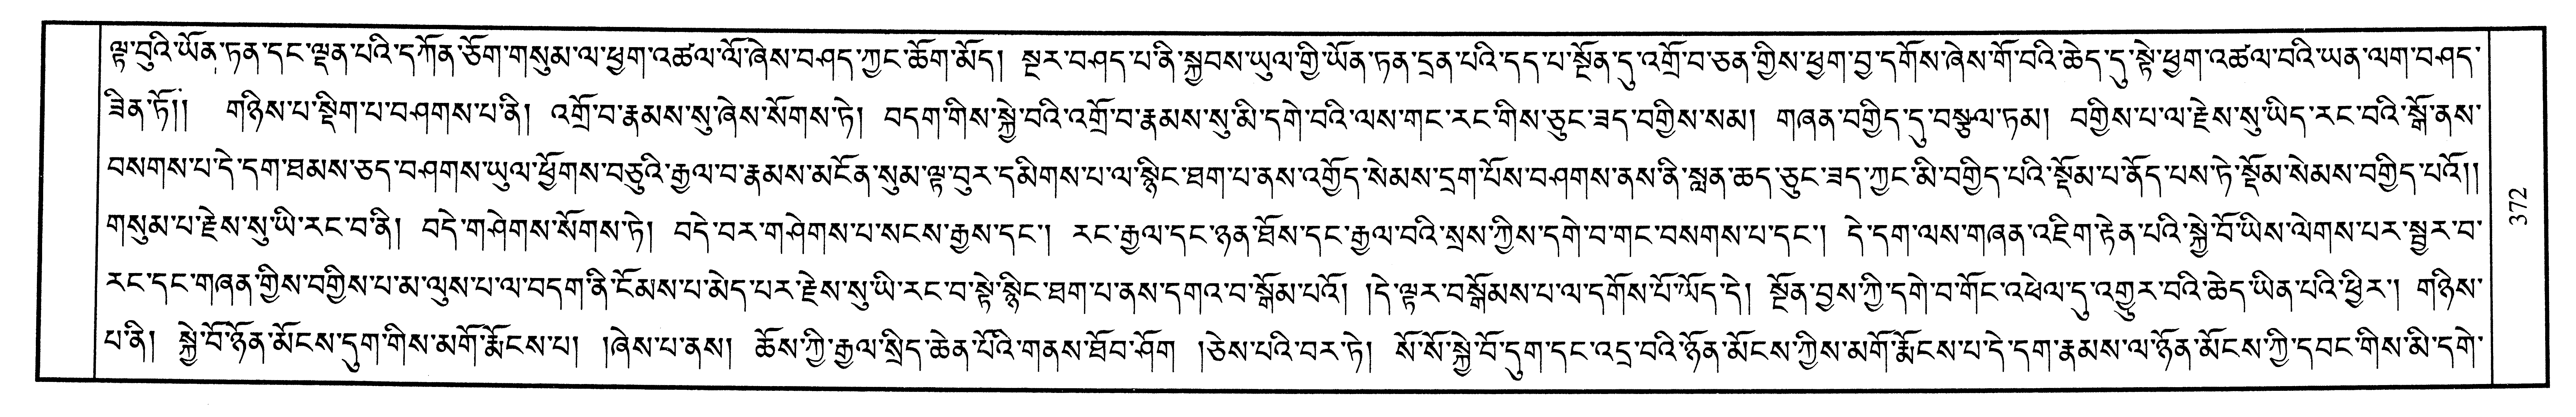ལྟ་བུའི་ཡོན་ཏན་དང་ལྡན་པའི་དཀོན་ཅོག་གསུམ་ལ་ཕྱག་འཚལ་ལོ་ཞེས་བཤད་ཀྱང་ཆོག་མོད། སྔར་བཤད་པ་ནི་སྐྱབས་ཡུལ་གྱི་ཡོན་ཏན་དྲན་པའི་དད་པ་སྔོན་དུ་འགྲོ་བ་ཅན་གྱིས་ཕྱག་བྱ་དགོས་ཞེས་གོ་བའི་ཆེད་དུ་སྟེ་ཕྱག་འཚལ་བའི་ཡན་ལག་བཤད་
ཟིན་ཏོ།། གཉིས་པ་སྡིག་པ་བཤགས་པ་ནི། འགྲོ་བ་རྣམས་སུ་ཞེས་སོགས་ཏེ། བདག་གིས་སྐྱེ་བའི་འགྲོ་བ་རྣམས་སུ་མི་དགེ་བའི་ལས་གང་རང་གིས་ཅུང་ཟད་བགྱིས་སམ། གཞན་བགྱིད་དུ་བསྩལ་ཏམ། བགྱིས་པ་ལ་རྗེས་སུ་ཡིད་རང་བའི་སྒོ་ནས་
བསགས་པ་དེ་དག་ཐམས་ཅད་བཤགས་ཡུལ་ཕྱོགས་བཅུའི་རྒྱལ་བ་རྣམས་མངོན་སུམ་ལྟ་བུར་དམིགས་པ་ལ་སྙིང་ཐག་པ་ནས་འགྱོད་སེམས་དྲག་པོས་བཤགས་ནས་ནི་སླན་ཆད་ཅུང་ཟད་ཀྱང་མི་བགྱིད་པའི་སྡོམ་པ་ནོད་པས་ཏེ་སྡོམ་སེམས་བགྱིད་པའོ།།
གསུམ་པ་རྗེས་སུ་ཡི་རང་བ་ནི། བདེ་གཤེགས་སོགས་ཏེ། བདེ་བར་གཤེགས་པ་སངས་རྒྱས་དང་། རང་རྒྱལ་དང་ཉན་ཐོས་དང་རྒྱལ་བའི་སྲས་ཀྱིས་དགེ་བ་གང་བསགས་པ་དང་། དེ་དག་ལས་གཞན་འཇིག་རྟེན་པའི་སྐྱེ་བོ་ཡིས་ལེགས་པར་སྦྱར་བ་
རང་དང་གཞན་གྱིས་བགྱིས་པ་མ་ལུས་པ་ལ་བདག་ནི་ངོམས་པ་མེད་པར་རྗེས་སུ་ཡི་རང་བ་སྟེ་སྙིང་ཐག་པ་ནས་དགའ་བ་སྒོམ་པའོ། །དེ་ལྟར་བསྒོམས་པ་ལ་དགོས་པ་ཡོད་དེ། སྔོན་བྱས་ཀྱི་དགེ་བ་གོང་འཕེལ་དུ་འགྱུར་བའི་ཆེད་ཡིན་པའི་ཕྱིར། གཉིས་
པ་ནི། སྐྱེ་བོ་ཉོན་མོངས་དུག་གིས་མགོ་རྨོངས་པ། །ཞེས་པ་ནས། ཆོས་ཀྱི་རྒྱལ་སྲིད་ཆེན་པོའི་གནས་ཐོབ་ཤོག །ཅེས་པའི་བར་ཏེ། སོ་སོ་སྐྱེ་བོ་དུག་དང་འདྲ་བའི་ཉོན་མོངས་ཀྱིས་མགོ་རྨོངས་པ་དེ་དག་རྣམས་ལ་ཉོན་མོངས་ཀྱི་དབང་གིས་མི་དགེ་